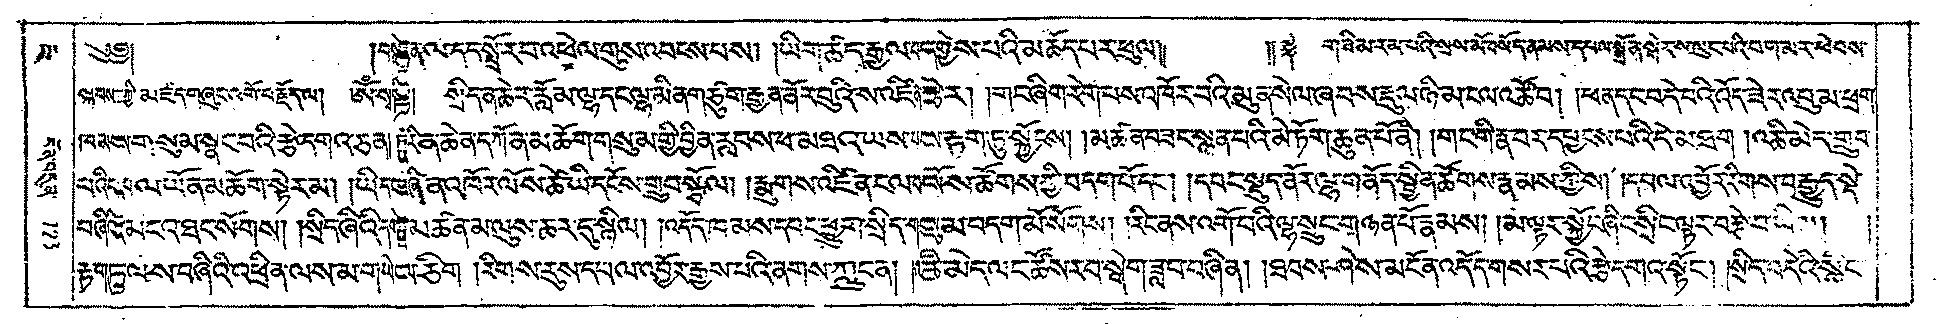༄༅། །བསྙེན་ལ་དད་སྤྲོ་རབ་འཕེལ་྾་གུས་འབངས་པས། །ཡིག་ཚད་རྒྱལ་བ་དགྱེས་པའི་མཆོད་པར་ཕུལ།། །། ༈ གཟིམ་རམ་པའི་སྲས་མོ་བསོད་ནམས་དཔལ་སྒྲོན་སྒེར་ས་ལུང་པའི་བག་མར་ཕེབས་
སྐབས་ཀྱི་མཛད་གཞུང་འགོ་བརྗོད་ལ། ཨོཾ་སྭ་སྟི། སྲིད་ན་ཆེར་རློམ་ལྷ་དང་ལྷ་མིན་གཙུག་རྒྱན་ནོར་བུའི་ས་འཛིན་རྩེར། །གང་ཞིག་རེག་པས་འཁོར་བའི་མུན་སེལ་ཞབས་རྡུལ་ཉི་མ་ངལ་འཚོ་བ། །ཕན་དང་བདེ་བའི་འོད་ཟེར་འབུམ་ཕྲག་
ཁམས་གསུམ་སྣང་བའི་རྩེ་དགའ་ཅན། །རིན་ཆེན་དཀོན་མཆོག་གསུམ་གྱི་བྱིན་རླབས་ཕ་མཐའ་ཡས་པས་རྟག་ཏུ་སྐྱོངས། །མཚན་བཟང་སྙན་པའི་མེ་ཏོག་ཆུན་པོ་ནི། །གང་གི་རྣ་བར་དཔྱངས་པའི་དེ་མ་ཐག །འཆི་མེད་གྲུབ་
པའི་དཔལ་ཡོན་མཆོག་སྟེར་མ། །ཡིད་བཞིན་འཁོར་ལོས་ཚེ་ཡི་དངོས་གྲུབ་སྩོལ། །རྨུགས་འཛིན་ངལ་བསོས་ཚོགས་ཀྱི་བདག་པོ་དང་། །དབང་སྡུད་ནོར་ལྷ་གནོད་སྦྱིན་ཚོགས་རྣམས་ཀྱིས། །དཔལ་འབྱོར་རིགས་བརྒྱུད་སྡེ་
བཞིའི་མངའ་ཐང་སོགས། །སྲིད་ཞིའི་དགེ་མཚན་མ་ལུས་ཆར་དུ་སྙིལ། །འདོད་ཁམས་དབང་ཕྱུག་སྲིད་གསུམ་བདག་མོ་སོགས། །རིང་ནས་འགོ་བའི་ལྷ་སྲུང་གཉན་པོ་རྣམས། །མ་ལྟར་སྐྱོང་ཞིང་སྲིད་ལྟར་བརྩེ་བ་ཡིས། །
རྟག་ཏུ་ལས་བཞིའི་འཕྲིན་ལས་མ་གཡེལ་ཅིག །རིགས་རུས་དཔལ་འབྱོར་རྒྱས་པའི་ནགས་ཀླུང་ན། །འཆི་མེད་ལང་ཚོས་རབ་སྒེག་ཟླ་བ་བཞིན། །ཐབས་ཤེས་མངོན་འདོད་གསར་བའི་རྩེ་དགའ་སྟོང་། །སྲིད་བདེའི་སྙིང་